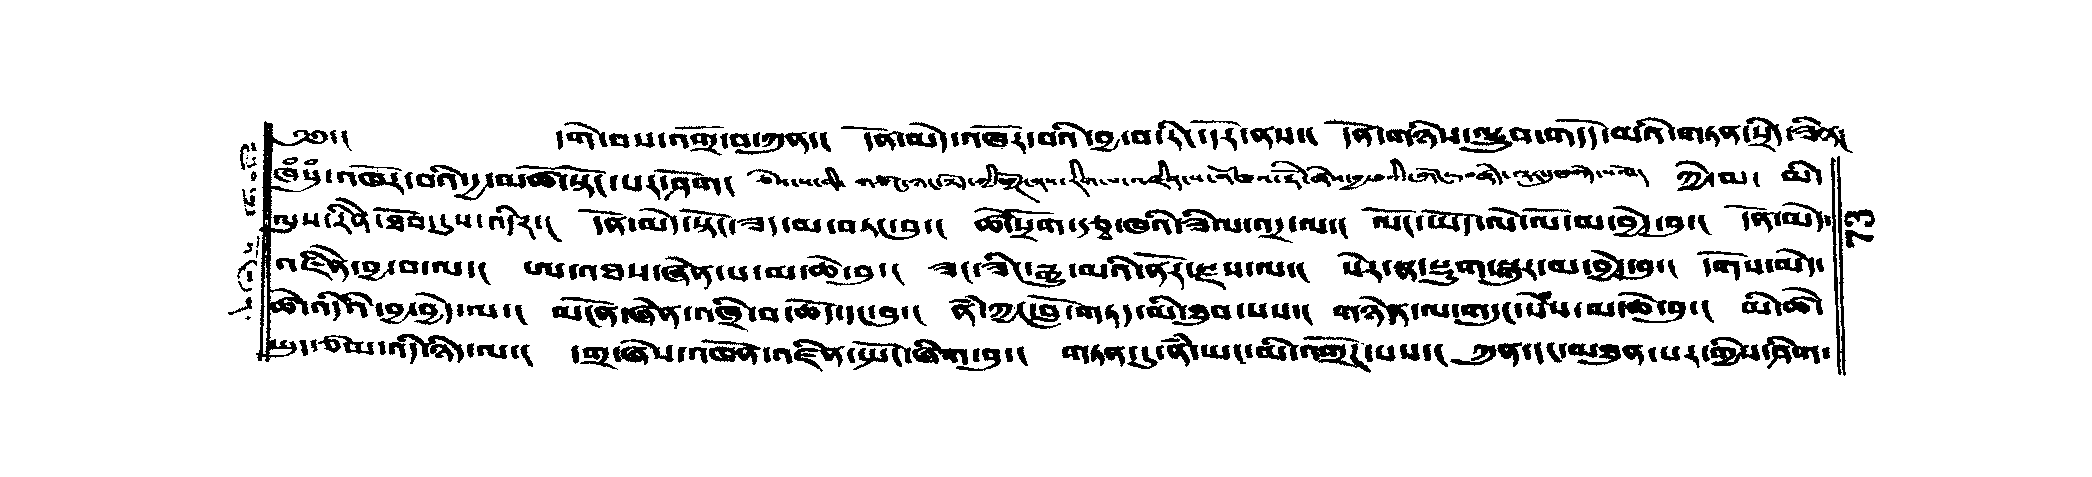དགེ་བས་འགྲོ་བ་ཀུན། །དོན་མེད་འཁོར་བའི་བྱ་བ་རིང་དོར་ནས། །དོན་གཉིས་ལྷུན་གྲུབ་གདོད་མའི་གཏན་སྲིད་ཟིན། །
ཁམས་གསུམ་འཁོར་བའི་རྒྱ་མཚོ་སྟོངས་བར་ཤོག །ཅེས་པ་འདི་གཙང་ཉང་སྟོད་ཀྱི་ཕྱོགས་ནས་རིག་པ་འཛིན་པ་ནམ་མཁའ་རྡོ་རྗེ་ཞེས་བྱ་བའི་དགོངས་བཞེད་ལྟར་དུ་བཀོད་པའོ།། ཀྱེ་མ། མི་
ལུས་རིན་ཆེན་ཐོབ་དུས་འདིར། །དོན་མེད་སྟོང་ཟད་མ་གཏང་བུ། །ཚེ་སྲོག་རྩྭ་ཁའི་ཟིལ་འདྲ་ལ། །ལོང་ཡོད་ལེ་ལོ་མ་བྱེད་བུ། །དོན་མེད་
འཇིག་རྟེན་བྱ་བ་ལ། །ཨ་འཐས་ཞེན་པ་མ་ཆེ་བུ། ཟང་ཟིང་སྒྱུ་མའི་ནོར་རྫས་ལ། སེར་སྣ་སྡུག་སྒུར་མ་བྱེད་བུ། དགོས་མེད་
ཚེ་འདིའི་བྱ་བྱེད་ལ། །མངོན་ཞེན་འཁྲི་བ་ཆོད་དང་བུ། །ནམ་ཡང་བླ'གཏད་མི་ཐུབ་པས། །གཉེན་ལ་གདུང་སེམས་མ་ཆེ་བུ། །མི་ཚེ་
ཡུད་ཙམ་དེ་ཉིད་ལ། །དགྲ་ཞེས་འཁོན་འཛིན་སྤོངས་ཤིག་བུ། །གཏན་དུ་ནམ་ཡང་མི་འགྲོགས་པས། །ཀུན་དང་མཐུན་པར་གྱིས་ཤིག་